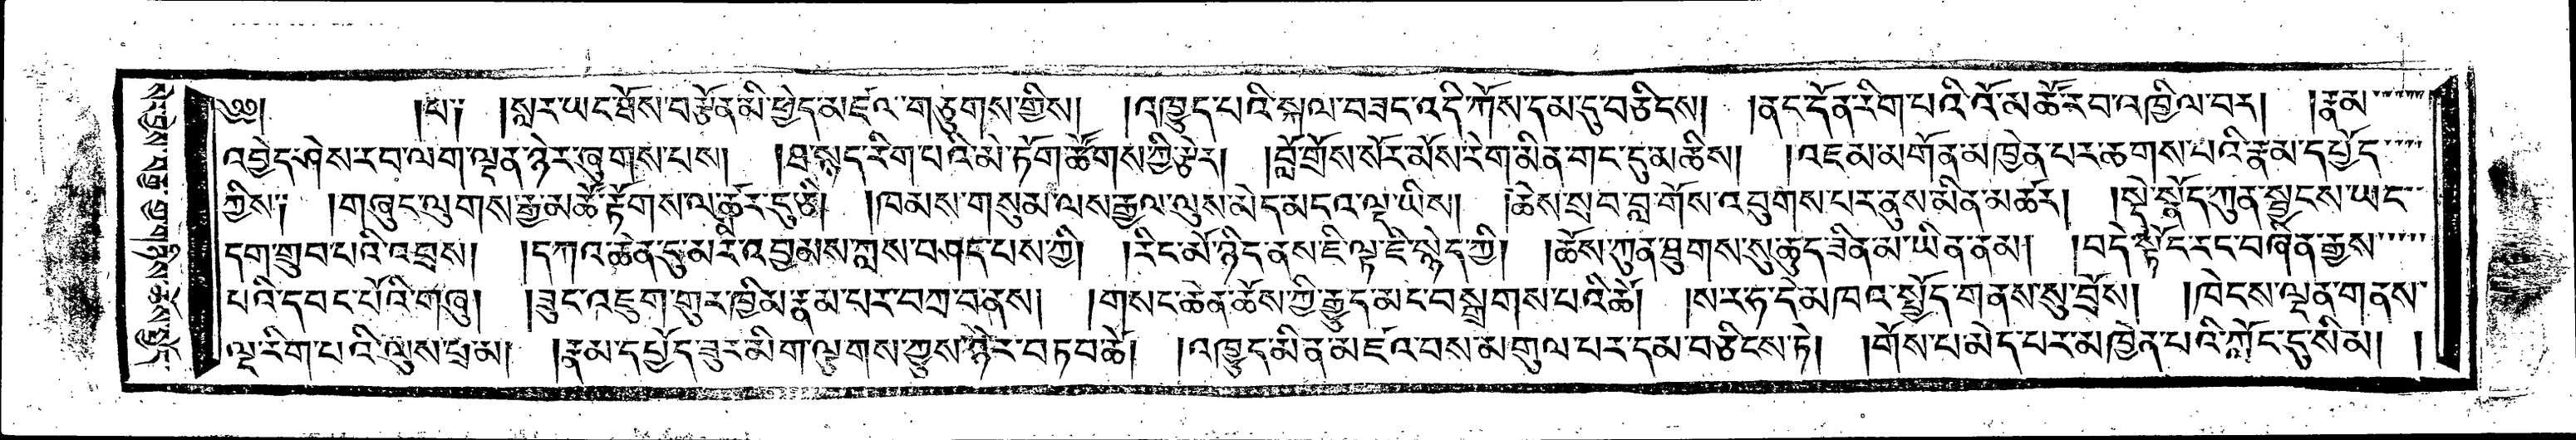༄༅། །པ༑ །སླར་ཡང་ཐོས་བརྩོན་མི་ཕྱེད་མཛལ་གཅུགས་གྱིས། །འཁྱུད་པའི་སྐལ་བཟང་འདི་ཀོས་དམ་དུ་བཅིངས། །ནང་དོན་རིག་པའི་འོ་མཚོར་རབ་འཁྱིལ་བར། །རྣམ་
འབྱེད་ཤེས་རབ་ལག་ལྡན་ཉེར་ཞུགས་པས། །ཐ་སྙད་རིག་པའི་མེ་ཏོག་ཚོགས་ཀྱི་རྩེར། །བློ་གྲོས་སོར་མོས་རེག་མིན་གང་དུ་མཆིས། །འཇམ་མགོན་མཁྱེན་པར་ཆགས་པའི་རྣམ་དཔྱོད་
ཀྱིས༑ །གཞུང་ལུགས་རྒྱ་མཚོ་རྟོགས་ལ་མཚར་དུ་ཅི། །ཁམས་གསུམ་ལས་རྒྱལ་ལུས་མེད་མངའ་ལྔ་ཡིས། །ཆེས་སྲབ་བླ་གོས་འབུགས་པར་ནུས་མིན་མཚར། །སྡེ་སྣོད་ཀུན་སྦྱངས་ཡང་
དག་གྲུབ་པའི་འབྲས། །དཀའ་ཆེན་དུ་མར་འབྱམས་ཀླས་བཤད་པས་ཀྱི། །རིང་མོ་ཉིད་ནས་ཇི་ལྟ་ཇི་སྙེད་ཀྱི། །ཆོས་ཀུན་ཐུགས་སུ་ཆུད་ཟིན་མ་ཡིན་ནམ། །བདེ་སྟོང་རང་བཞིན་རྒྱས་
པའི་དབང་པོའི་གཞུ། །ཟུང་འཇུག་གུར་ཁྱིམ་རྣམ་པར་བཀྲ་བ་ནས། །གསང་ཆེན་ཆོས་ཀྱི་རྒྱུད་མང་བསྒྲགས་པའི་ཚེ། །ས་ར་ཧ་དེ་མཁའ་སྤྱོད་གནས་སུ་བྲོས། །ཁེངས་ལྡན་གནས་
ལྔ་རིག་པའི་ལུས་ཕྲ་མ། །རྣམ་དཔྱོད་ཟུར་མིག་ལྕགས་ཀྱུས་ཉེར་བཏབ་ཚེ། །འཁྱུད་མིན་མཛའ་བས་མགུལ་པར་དམ་བཅིངས་ཏེ། །གོས་པ་མེད་པར་མཁྱེན་པའི་ཀློང་དུ་སིམ། །